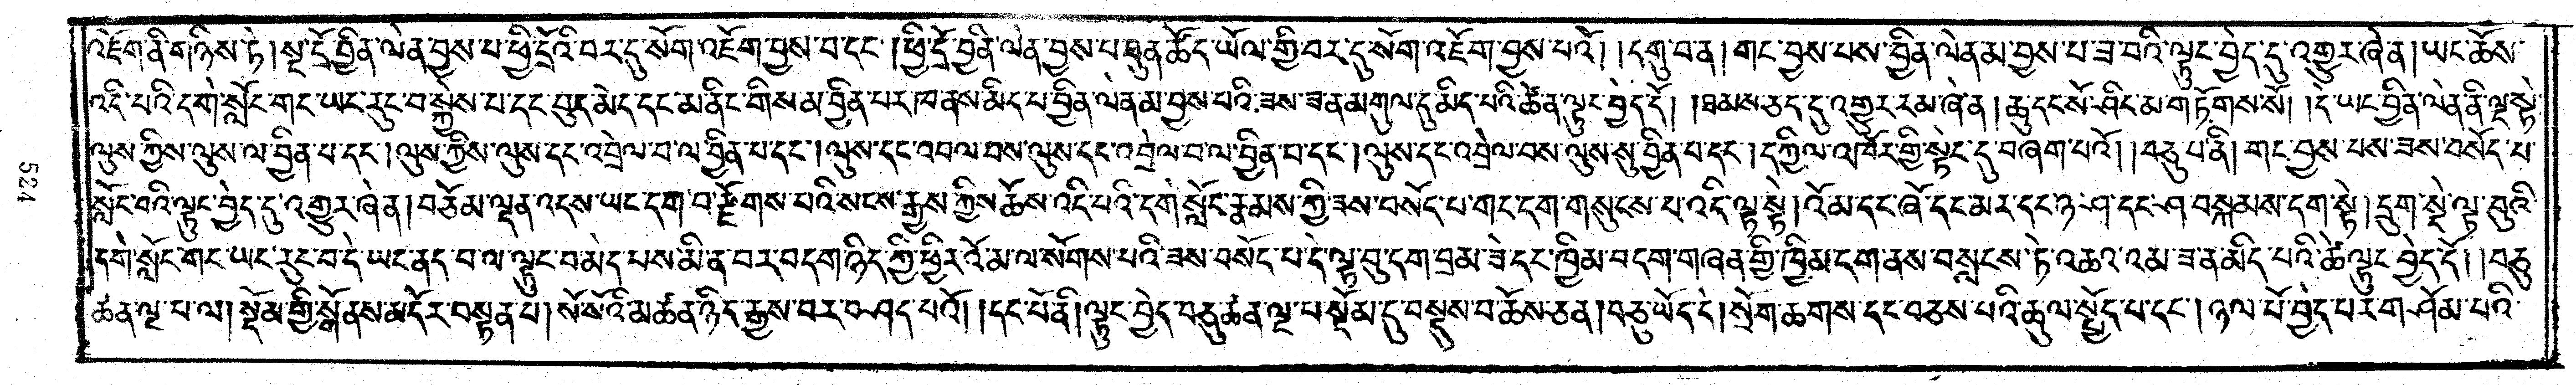འཇོག་ནི་གཉིས་ཏེ། སྔ་དྲོ་བྱིན་ལེན་བྱས་པ་ཕྱི་དྲོའི་བར་དུ་སོག་འཇོག་བྱས་བ་དང་། ཕྱི་དྲོ་བྱིན་ལེན་བྱས་པ་ཐུན་ཚོད་ཡོལ་གྱི་བར་དུ་སོག་འཇོག་བྱས་པའོ། །དགུ་བ་ན། གང་བྱས་པས་བྱིན་ལེན་མ་བྱས་པ་ཟ་བའི་ལྟུང་བྱེད་དུ་འགྱུར་ཞེ་ན། ཡང་ཆོས་
འདི་པའི་དགེ་སློང་གང་ཡང་རུང་བ་སྐྱེས་པ་དང་བུད་མེད་དང་མ་ནིང་གིས་མ་བྱིན་པར་ཁ་ནས་མིད་པ་བྱིན་ལེན་མ་བྱས་པའི་ཟས་ཟ་ན་མགུལ་དུ་མིད་པའི་ཚེ་ན་ལྟུང་བྱེད་དོ། །ཐམས་ཅད་དུ་འགྱུར་རམ་ཞེ་ན་།ཆུ་དང་སོ་ཤིང་མ་གཏོགས་སོ། །དེ་ཡང་བྱིན་ལེན་ནི་ལྔ་སྟེ་
ལུས་ཀྱིས་ལུས་ལ་བྱིན་པ་དང་། ལུས་ཀྱིས་ལུས་དང་འབྲེལ་བ་ལ་བྱིན་པ་དང་། ལུས་དང་འབལ་བས་ལུས་དང་འབྲེལ་བ་ལ་བྱིན་པ་དང་། ལུས་དང་འབྲེལ་བས་ལུས་སུ་བྱིན་པ་དང་། དཀྱིལ་འཁོར་གྱི་སྟེང་དུ་བཞག་པའོ། །བཅུ་པ་ནི། གང་བྱས་པས་ཟས་བསོད་པ་
སློང་བའི་ལྟུང་བྱེད་དུ་འགྱུར་ཞེན་།བཅོམ་ལྡན་འདས་ཡང་དག་བ་རྫོགས་པའི་སངས་རྒྱས་ཀྱིས་ཆོས་འདི་པའི་དགེ་སློང་རྣམས་ཀྱི་ཟས་བསོད་པ་གང་དག་གསུངས་པ་འདི་ལྟ་སྟེ། འོ་མ་དང་ཞོ་དང་མར་དང་ཉ་ཤ་དང་ཤ་བསྐམས་དག་སྟེ། དྲུག་སྡེ་ལྟ་བུའི་
དགེ་སློང་གང་ཡང་རུང་བ་དེ་ཡང་ནད་པ་ལ་ལྟུང་བ་མེད་པས་མི་ན་བར་བདག་ཉིད་ཀྱི་ཕྱིར་འོ་མ་ལ་སོགས་པའི་ཟས་བསོད་པ་དེ་ལྟ་བུ་དག་བྲམ་ཟེ་དང་ཁྱིམ་བདག་གཞན་གྱི་ཁྱིམ་དག་ནས་བསླངས་ཏེ་འཆའ་འམ་ཟ་ན་མིད་པའི་ཚེ་ལྟུང་བྱེད་དོ། །བཅུ་
ཚན་ལྔ་པ་ལ། སྡོམ་གྱི་སྒོ་ནས་མདོར་བསྟན་པ། སོ་སོའི་མཚན་ཉིད་རྒྱས་བར་བཤད་པའོ། །དང་པོ་ནི། ལྟུང་བྱེད་བཅུ་ཚན་ལྔ་པ་སྡོམ་དུ་བསྡུས་པ་ཆོས་ཅན། བཅུ་ཡོད་དེ། སྲོག་ཆགས་དང་བཅས་པའི་ཆུལ་སྤྱོད་པ་དང་། ཉལ་པོ་བྱེད་པར་གཤོམ་པའི་